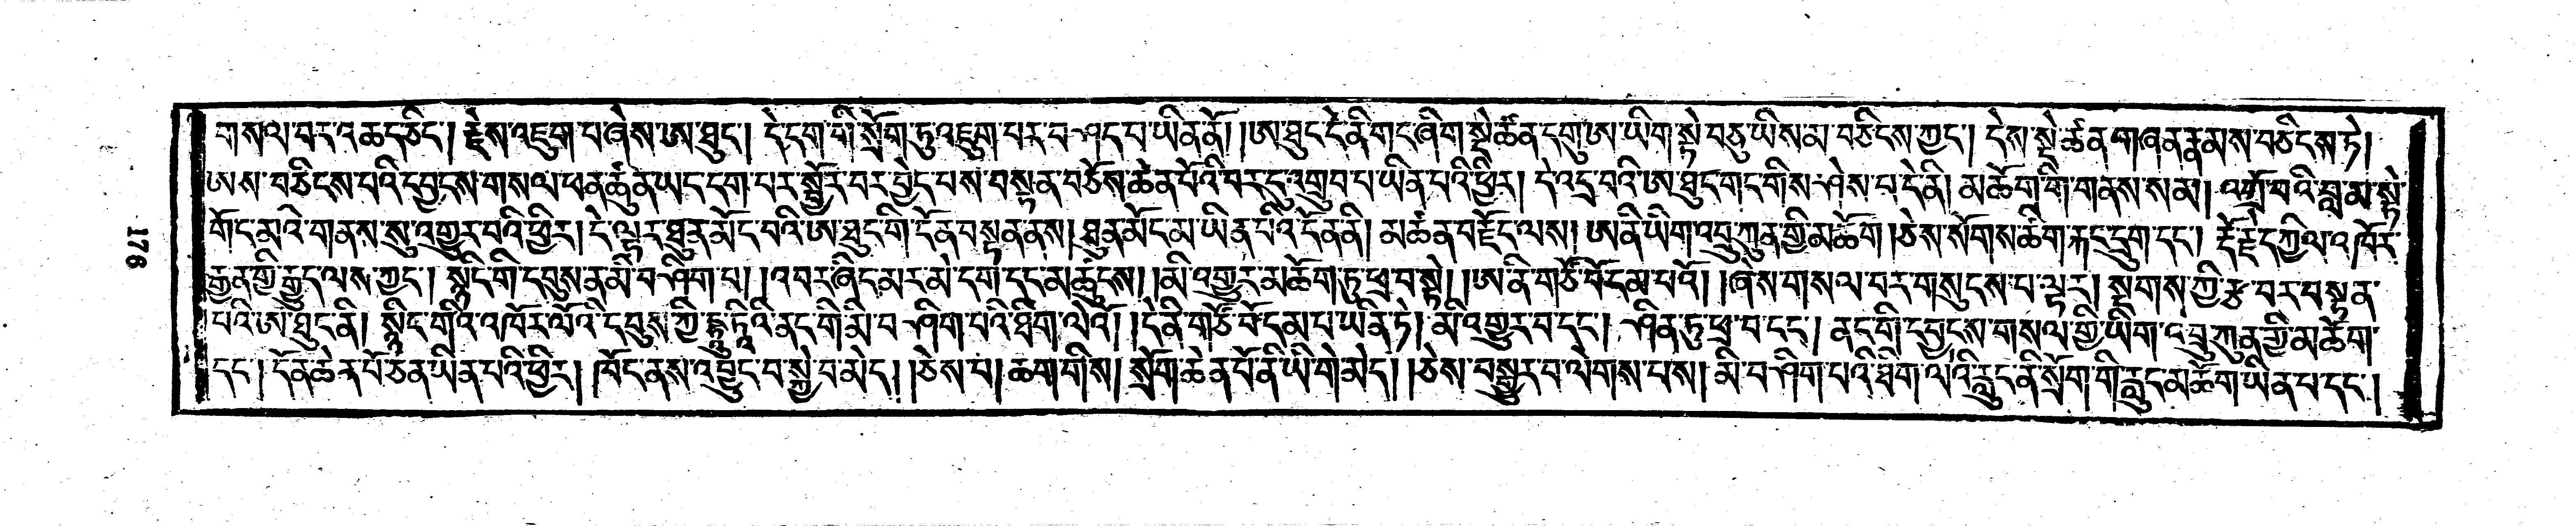གསལ་བར་འཆད་ཅིང་། རྗེས་འཇུག་པ་ཞེས་ཨ་ཐུང་། དེ་དག་གི་སྲོག་ཏུ་འཇུག་པར་བཤད་པ་ཡིན་ནོ། །ཨ་ཐུང་དེ་ནི་གང་ཞིག་སྡེ་ཚན་དགུ་ཨ་ཡིག་སྟེ་བཅུ་ཡིས་མ་བཅིངས་ཀྱང་། དེས་སྡེ་ཚན་གཞན་རྣམས་བཅིངས་ཏེ།
ཨས་བཅིངས་པའི་དབྱངས་གསལ་ཕན་ཚུན་ཡང་དག་པར་སྦྱོར་བར་བྱེད་པས་བསྟན་བཅོས་ཆེན་པོའི་བར་དུ་འགྲུབ་པ་ཡིན་པའི་ཕྱིར། དེ་འདྲ་བའི་ཨ་ཐུང་གང་གིས་ཤེས་པ་དེ་ནི། མཆོག་གི་གནས་སམ། འགྲོ་བའི་བླ་མ་སྟེ་
གོང་མའི་གནས་སུ་འགྱུར་བའི་ཕྱིར། དེ་ལྟར་ཐུན་མོང་བའི་ཨ་ཐུང་གི་དོན་བསྟན་ནས། ཐུན་མོང་མ་ཡིན་པའི་དོན་ནི། མཚན་བརྗོད་ལས། ཨ་ནི་ཡིག་འབྲུ་ཀུན་གྱི་མཆོག །ཅེས་སོགས་ཚིག་རྐང་དྲུག་དང་། རྡོ་རྗེ་དཀྱིལ་འཁོར་
རྒྱན་གྱི་རྒྱུད་ལས་ཀྱང་། སྙིང་གི་དབུས་ན་མི་བཤིག་པ། །འབར་ཞིང་མར་མེ་དག་དང་མཚུངས། །མི་འགྱུར་མཆོག་ཏུ་ཕྲ་བ་སྟེ། །ཨ་ནི་གཙོ་བོ་དམ་པའོ། །ཞེས་གསལ་བར་གསུངས་པ་ལྟར། སྔགས་ཀྱི་རྩ་བར་བསྟན་
པའི་ཨ་ཐུང་ནི། སྙིང་གའི་འཁོར་ལོའི་དབུས་ཀྱི་དྷཱུ་ཏཱིའི་ནང་གི་མི་བཤིག་པའི་ཐིག་ལེའོ། །དེ་ནི་གཙོ་བོ་དམ་པ་ཡིན་ཏེ། མི་འགྱུར་བ་དང་། ཤིན་ཏུ་ཕྲ་བ་དང་། ནང་གི་དབྱངས་གསལ་གྱི་ཡིག་འབྲུ་ཀུན་གྱི་མཆོག་
དང་། དོན་ཆེན་པོ་ཅན་ཡིན་པའི་ཕྱིར། ཁོང་ནས་འབྱུང་བ་སྐྱེ་བ་མེད། །ཅེས་པ། ཆག་གིས། སྲོག་ཆེན་པོ་ནི་ཡི་གེ་མེད། །ཅེས་བསྒྱུར་བ་ལེགས་པས། མི་བཤིག་པའི་ཐིག་ལེའི་རླུང་ནི་སྲོག་གི་རླུང་མཆོག་ཡིན་པ་དང་།